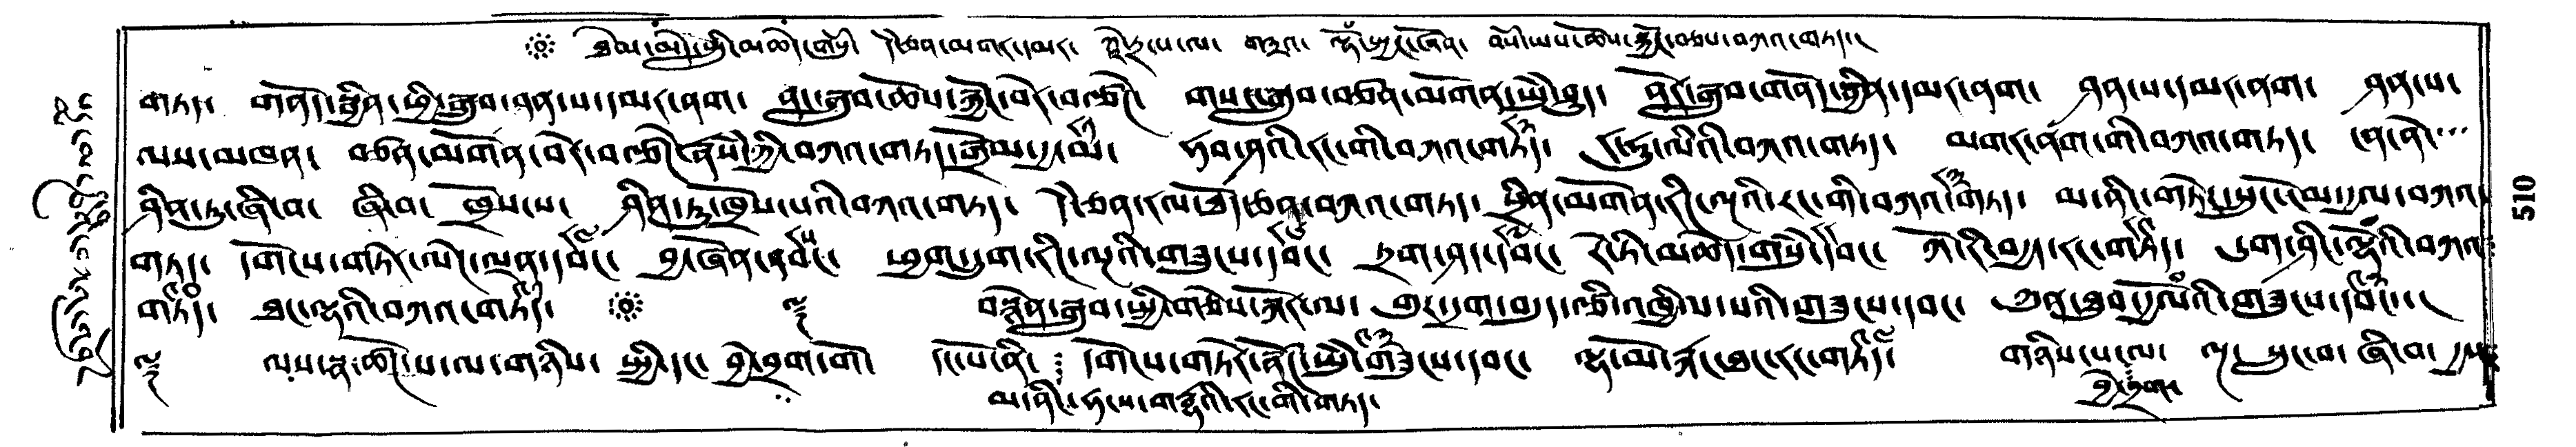ཐེམ་མེད་སྤུ་གྲི་མཆེད་གསུམ། དམ་ཅན་མགར་དམར། ཀྵེ་ཏྲ་པ་ལ། གཟའ། ལྷ་མོ་སྤྱང་བཞོན། བསམ་ཡས་ཆོས་སྐྱོང་བཅས་ཀྱི་བཀའ་གཏད། 
གཏད། གནོད་སྦྱིན་ཕྱི་སྒྲུབ་ཤན་པ་དམར་ནག ནང་སྒྲུབ་ཆོས་སྐྱོང་བེར་བརྩེགས། གསང་སྒྲུབ་བཙན་མགོན་ཡམ་ཤུད། ནོར་སྒྲུབ་གནོད་སྦྱིན་དམར་ནག ཤན་པ་དམར་ནག ཤན་པ་
ལས་མཁན། བཙན་མགོན་བེར་བརྩེགས་རྣམས་ཀྱི་བཀའ་གཏད་སྒྲོམ་རྒྱ་མ༨༡། ཧབ་ཤའི་རང་གི་བཀའ་གཏད༨༢། ར་ཧུ་ལའི་བཀའ་གཏད། མགར་ནག་གི་བཀའ་གཏད། ངན་ནེ་
ཤིན་ཏུ་ཞི་བ། ཞི་བ། ཁྲོས་པ། ཤིན་ཏུ་ཁྲོས་པའི་བཀའ་གཏད། དམ་ཅན་རལ་ཐོད་ཅན་བཀའ་གཏད། སྲིན་མགོན་རིགས་ལྔའི་རང་གི་བཀའ་གཏད༨༣། མ་ནིང་གཏེར་སྲུང་ངོམ་རྒྱལ་བཀའ་
གཏད། དགོངས་གཏེར་ལེགས་ལྡན་དབང་༨༤། བྱ་ཞོན་དབང་༨༥། ཕྱག་དྲུག་རིགས་ལྔའི་གཟུངས་དབང་༨༦། ཏྲག་ཤད་དབང་༨༧། རེ་ཏི་མཆེད་གསུམ་དབང་༨༨། ཀོ་རི་བརྒྱད་རང་གཏད༨༩། དུག་ཤིང་ལྷ་མོའི་བཀའ་
གཏད༩༠། ཐང་ལྷའི་བཀའ་གཏད༩༡། ༈ བསྙེན་སྒྲུབ་སྤྱི་གཅེས་སྐོར་ལ། གུར་དྲག་བདུད་རྩི་འཁྱིལ་པའི་གཟུངས་དབང་། ཀུན་ཐུབ་རྒྱལ་མོའི་གཟུངས་དབང་༩༢།
 ༈ ལས་སྣ་ཚོགས་པ་ལ་གཉིས་སྤྱི་དང་བྱེ་བྲག་གོ།། དང་པོ་ནི། མ་ནིང་ཧ་ས་གརྦྷའི་རང་གི་གཏད། དགོངས་གཏེར་སྣ་ཚོགས་ཡུམ་གཟུངས་༩༣དབང་། ལྷ་མོ་རྐང་ཐང་རང་གཏད་༩༤། གཉིས་པ་བྱེ་བྲག་ལ། ལྔ། སྲུང་བ། ཞི་བ།